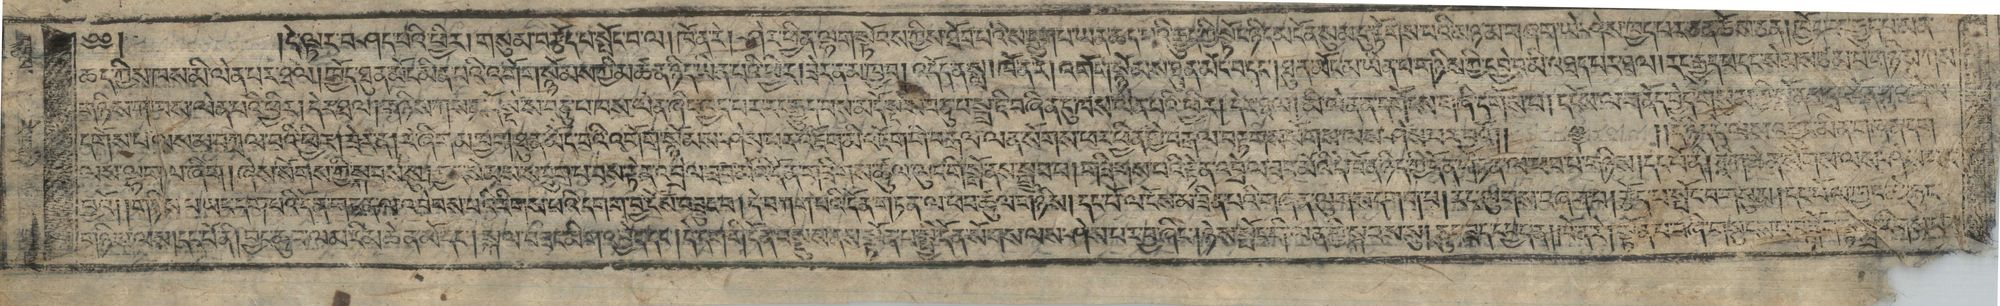༄༅། །དེ་ལྟར་བཤད་པའི་ཕྱིར། གསུམ་པ་རྩོད་པ་སྤོང་བ་ལ། ཁོ་ན་རེ། ཤེར་ཕྱིན་ལྷག་སྟོབས་ཀྱིས་ཐོབ་པའི་ས་དྲུག་པ་ཡན་ཆད་པའི་རྒྱུད་ཀྱི་སྟོང་ཉིད་མངོན་སུམ་དུ་རྟོགས་པའི་མཉམ་གཞག་ཡེ་ཤེས་ཁྱད་པར་ཅན་ཆོས་ཅན། ཁྱོད་རང་རྒྱུད་པ་མན་
ཆད་ཀྱིས་ཁས་མི་ལེན་པར་ཐལ། ཁྱོད་ཐུན་མོང་མིན་པའི་འགོག་སྙོམས་ཀྱི་མཚན་ཉིད་ཡིན་པའི་ཕྱིར། ཟེར་ན་མ་ཁྱབ། འདོད་ན་སླ། ཁོ་ན་རེ། འགོག་སྙོམས་ཐུན་མོང་བ་དང་། ཐུན་མོང་མ་ཡིན་པ་གཉིས་ཀྱི་དབྱེ་བ་མི་འཐད་པར་ཐལ། རང་རྒྱུད་པ་དང་སེམས་ཙམ་པ་གཉིས་ཀས་
གཉིས་ཀ་ཁས་ལེན་པའི་ཕྱིར། དེར་ཐལ། གཉིས་ཀས་མདོ་སྡེ་ས་བཅུ་པ་ཁས་ལེན་ཞིང་ཁྱད་པར་རང་རྒྱུད་པས་མདོ་སྡེ་ས་བཅུ་པ་སྒྲ་ཇི་བཞིན་དུ་ཁས་ལེན་པའི་ཕྱིར། དེར་ཐལ། མི་ལེན་ན་དགོངས་གཞི་དགོས་པ། དངོས་ལ་གནོད་བྱེད་གསུམ་གྱི་སྒོ་ནས་དྲང་དོན་དུ་འགྲེལ་
དགོས་པ་ལས་མ་བགྲལྦའི་ཕྱིར། ཟེར་ན། རེ་ཞིག་མ་ཁྱབ། ཐུན་མོང་བའི་འགོག་སྙོམས་ཤེས་པར་འཇོག་མི་འཇོག་གི་བརྒལ་ལན་སོགས་ཕར་ཕྱིན་གྱི་བརྒལ་བརྟགས་སོགས་ལས་ཤེས་པར་བྱའོ།། ༈ །།དེ་ཉིད་དེ་ལས་འབྱུང་མིན་གཞན་དག་
ལས་ལྟ་ག་ལ་ཞིག ། ཞེས་སོགས་ཀྱི་སྐབས་སུ། བྱང་སེམས་ས་དྲུག་པ་བས་རྟེན་འབྲེལ་ཟབ་མོའི་དོན་གཟིགས་ཚུལ་ལུང་གི་སྒོ་ནས་སྒྲུབ་པ། གཟིགས་པའི་རྟེན་འབྲེལ་ཟབ་མོའི་དེ་ཁོ་ན་ཉིད་ཀྱི་དོན་གཏན་ལ་ཕབ་པ་གཉིས། དང་པོ་ནི། ཊཱིཀ་ཆེན་སོགས་ལས་ཤེས་པར་
བྱའོ། །གཉིས་པ་ཡང་དག་པའི་དོན་གཏན་ལ་འབེབས་པའི་རིགས་པའི་དགག་བྱ་ངོས་བཟུང་བ། དེ་བཀག་པའི་དོན་གཏན་ལ་ཕབ་ཚུལ་གཉིས། དང་པོ་ལ་ངོས་མ་ཟིན་པའི་གཞན་ལུགས་དགག་པ། རང་ལུགས་བཞག་པ། རྩོད་པ་སྤོང་བ་གསུམ། དང་པོ་ལ་ཁྱབ་ཆེ་ཆུང་
གཉིས་ལས། དང་པོ་ནི། བྱང་ཆུབ་ལམ་རིམ་ཆེན་མོ་དང་། སྐལ་བཟང་མིག་འབྱེད་དང་། དེ་དག་གི་དོན་བསྡུས་ནས་སྟོན་པ་སྤྱི་དོན་སོགས་ལས་ཤེས་པར་བྱ་ཞིང་། ཉེས་སྤོང་གི་ལན་གྱི་སྐབས་སུ། ཅུང་ཟད་དཔྱད་ན། ཁོ་ན་རེ། སྟོན་པ་བཞི་གསུངས་པ་བཟློག་སྟེ་སྨྲ་རིགས་པར་